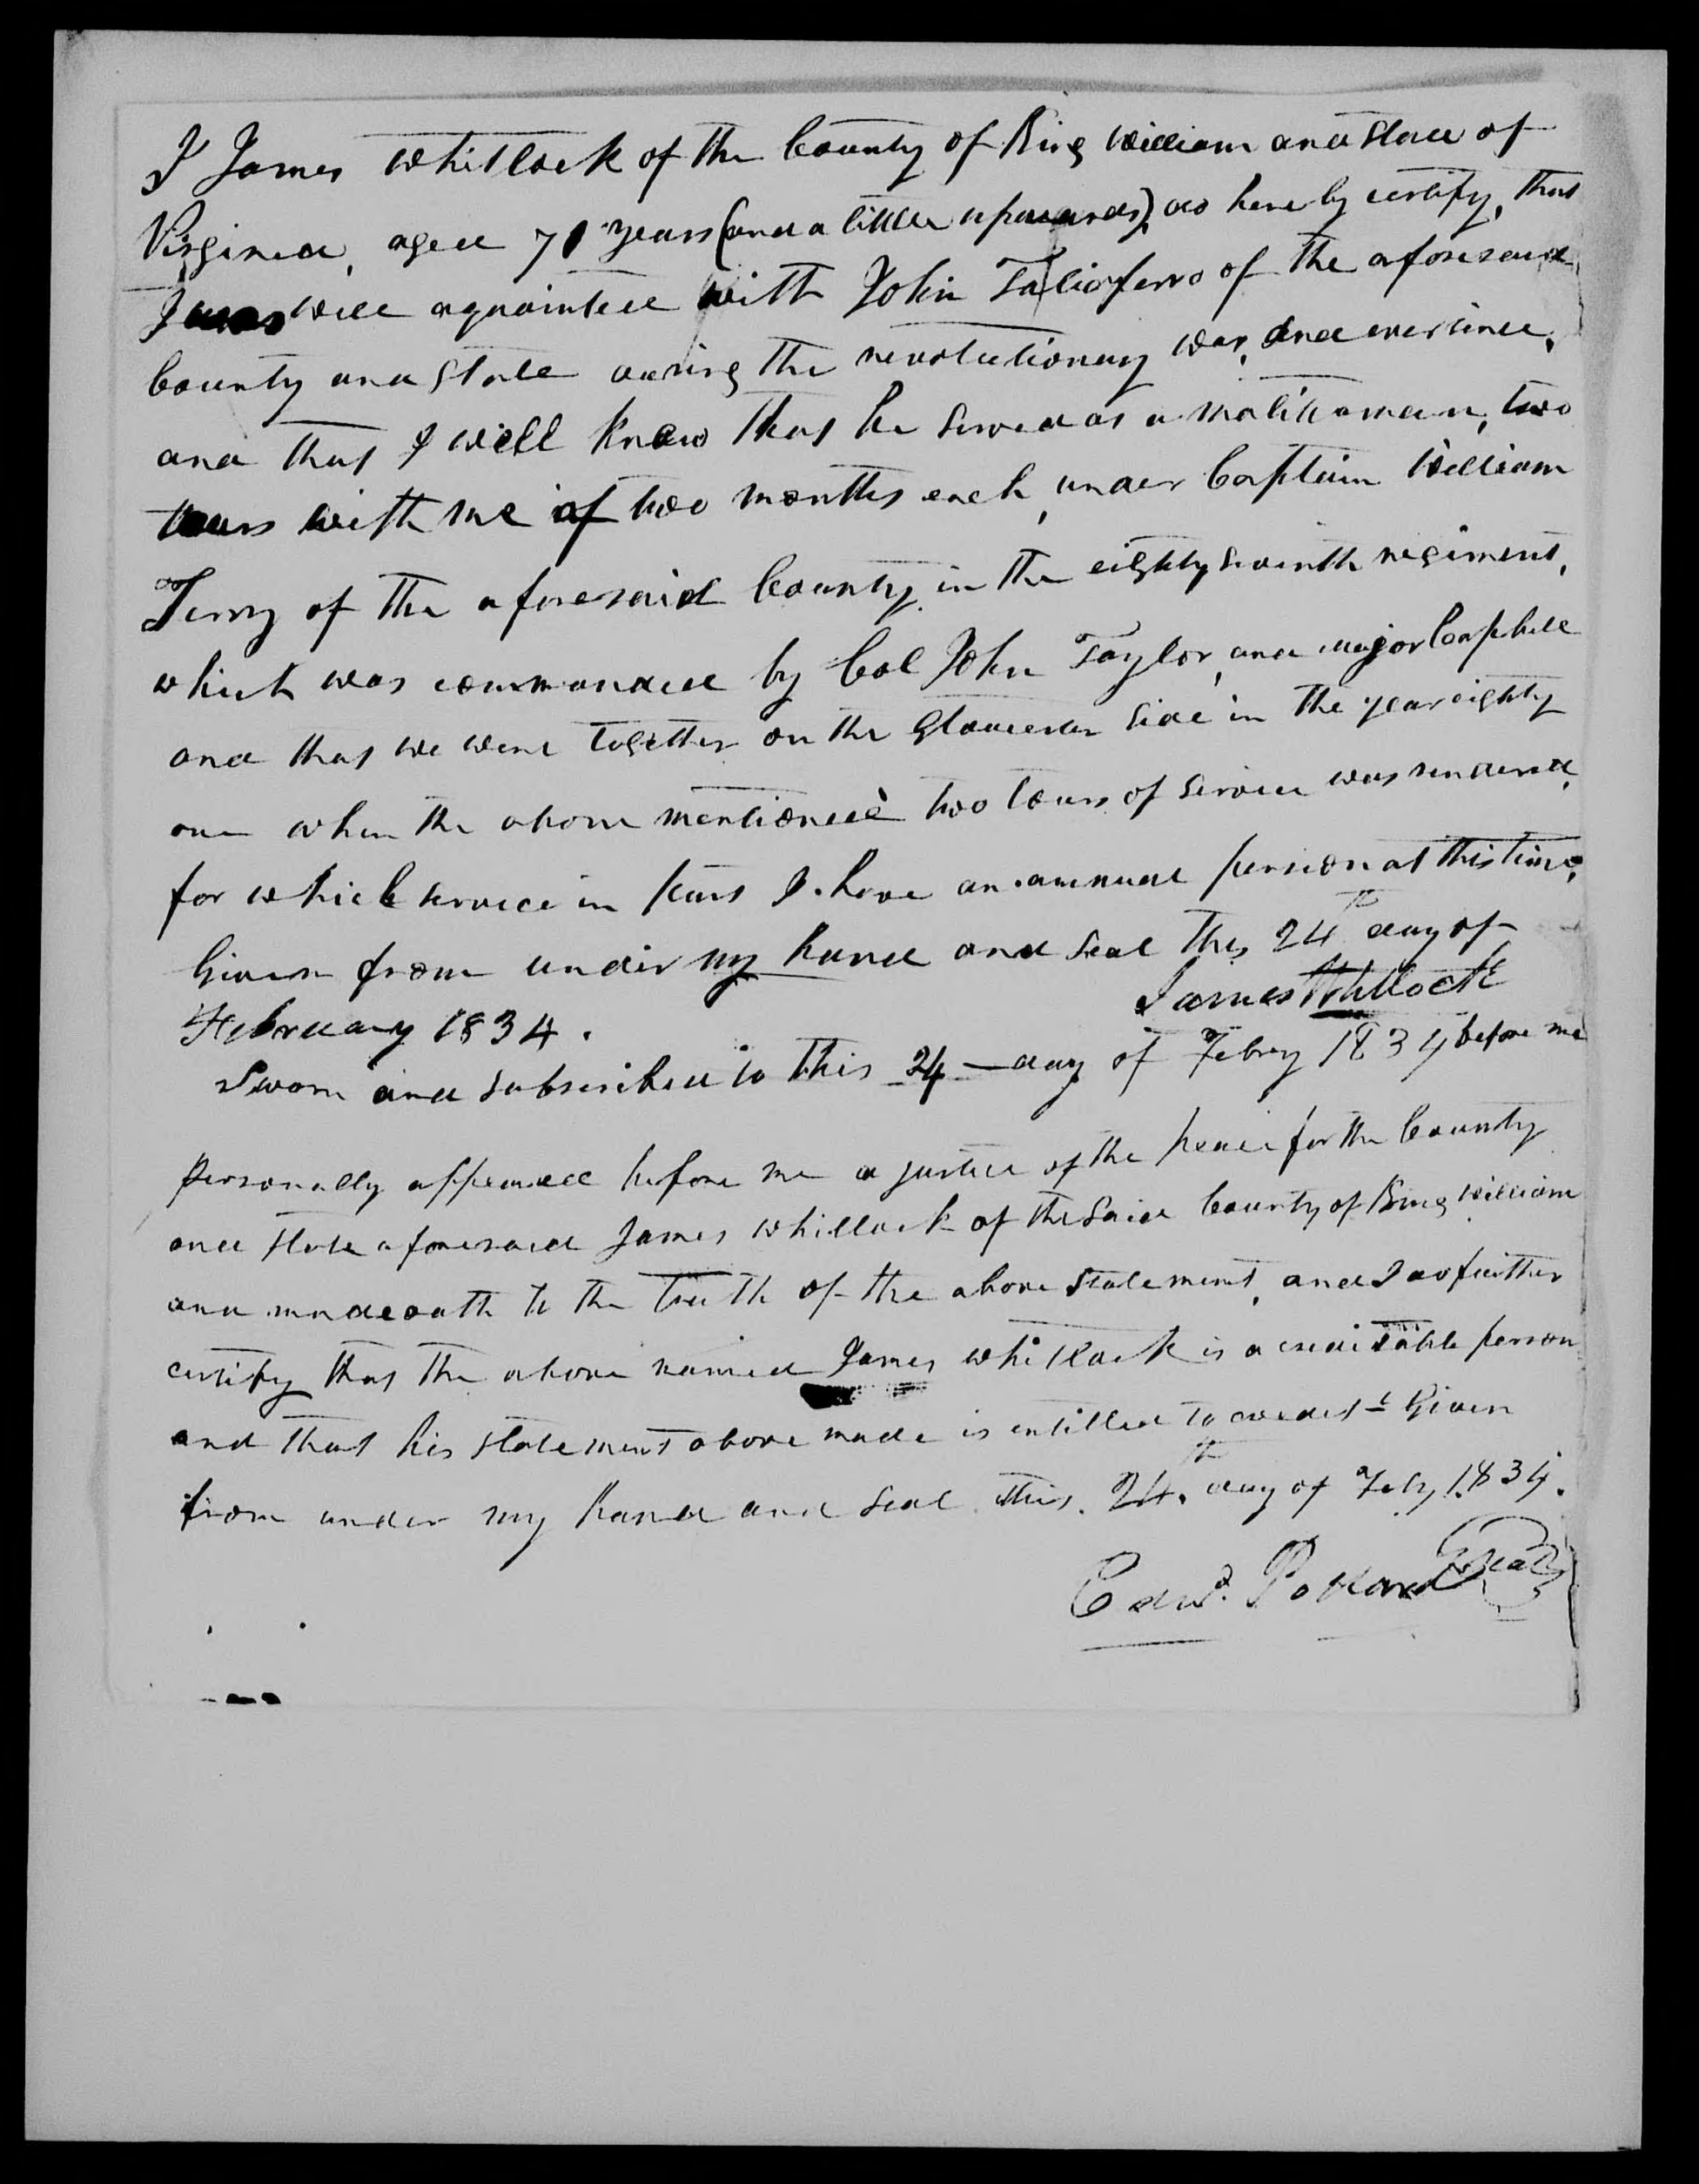I James Whitlock of the county of Williamsburg and state of Virginia, aged 70 years (and little upwards) do hereby certify, that I was acquainted with John Taliaferro of the aforesaid county and state during the revolutionary war, and evidence, and that I well know that he served as a militiaman, two tours with me of two months each, under Captain William Terry of the aforesaid County in the eighty seventh regiment, which was commanded by Col John Taylor, and major Campbell and that we were together on the Gloucester side in the year eighty one when the above mentioned two tours of service was rendered, for which service in part I have an annual pension at this time.  Given from under my hand and seal this 24th day of February 1834. 
James Whitlock. 
Sworn and subscribed to this day 24 of Febry 1834 before me personally appeared before me a justice of the peace for the County once stated aforesaid James Whitlock of the said County of King William and under oath to the truth of the above statement, and I do further certify that the above named James Whitlock is a creditable person and that his statement above made is entitled to credit. Given from under my hand and seal this 24th day of July 1834. 
Edwd Pollard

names: William Terry; [BLANK] Capbell; James Whitlock; Edwd Pollard; James Whitlock; John Taliaferro; James Whitlock; John Taylor; James Whtlock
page: 15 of 34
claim: survivor's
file: S. 19483, for John Taliaferro, Virginia